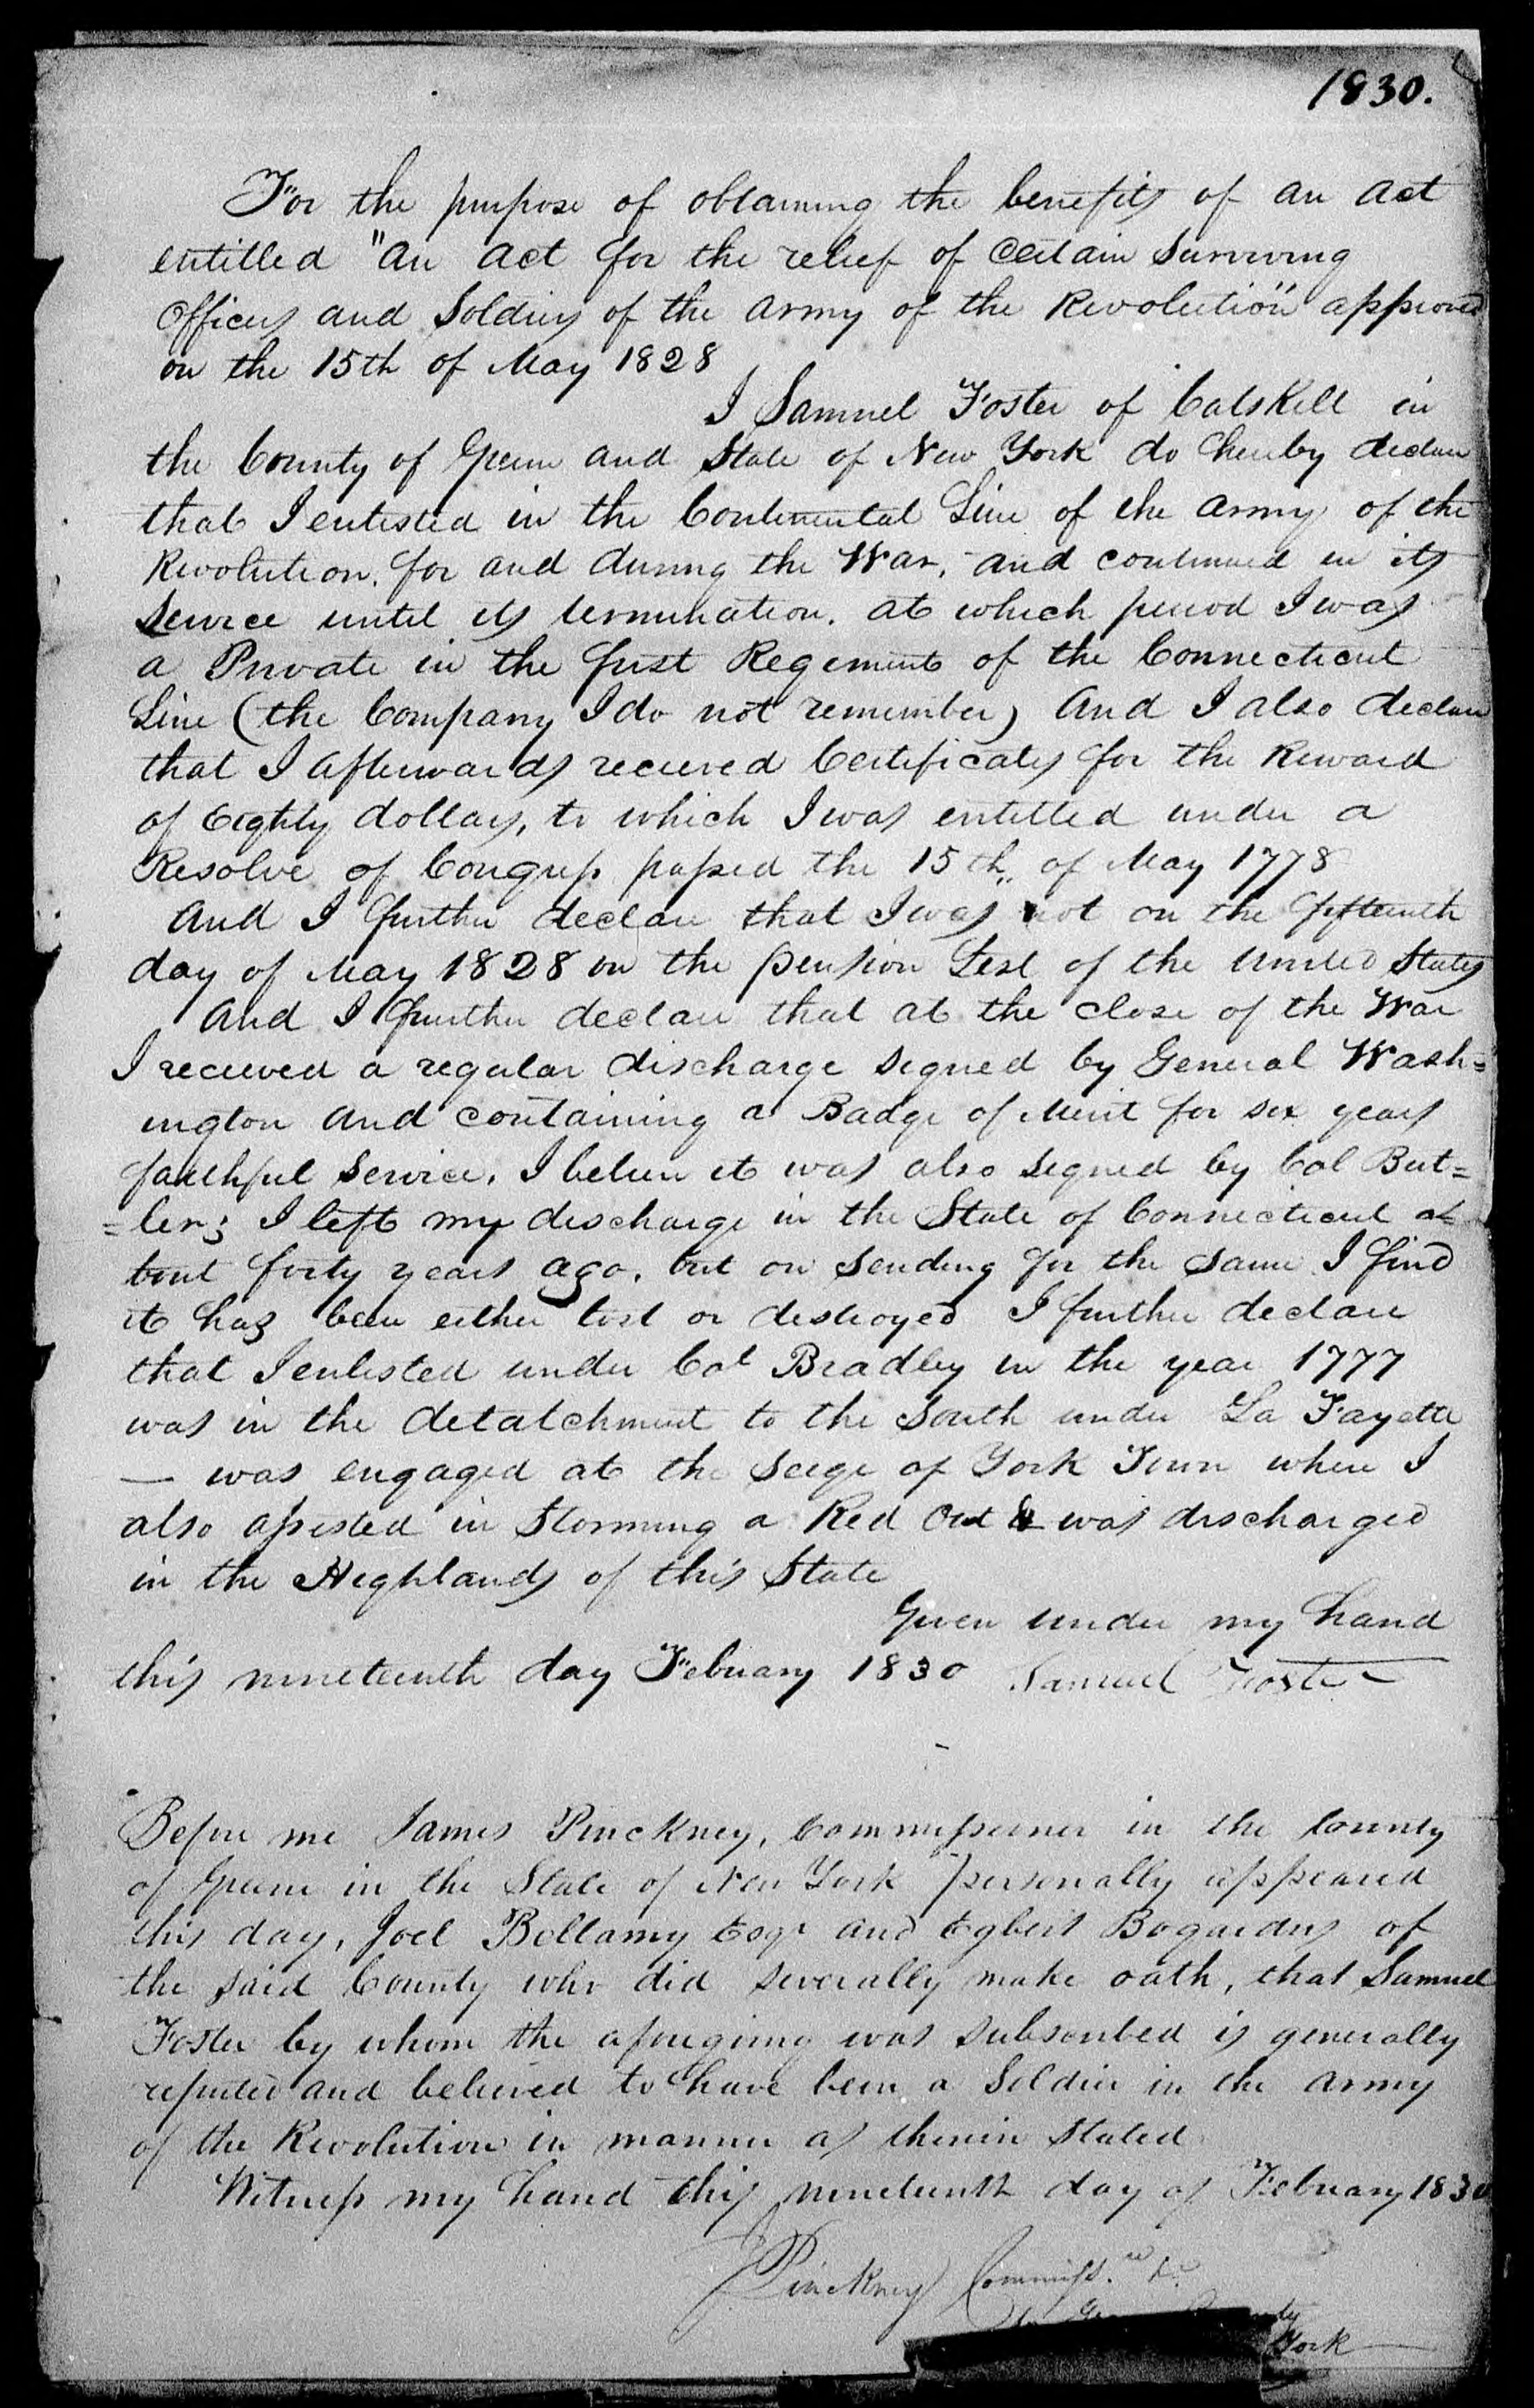1830.
For the purpose of obtaining the benefits of an act entitled "an act for the relief of certain Surviving Officers and Soldiers of the army of the Revolution" approved on the 15th of May 1828
I Samuel Foster of Catskill in the County of Green and State of New York do hereby declare that I enlisted in the Continental Line of the army of the Revolution, for and during the War, and continued in its Service until its termination. at which period I was a Private in the first Regiment of the Connecticut Line (the Company I do not remember) And I also declare that I afterwards recieved Certificates for the Reward of Eighty dollars, to which I was entitled under a Resolve of Congress passed the 15th of May 1778
And I further declare that I was not on the fifteenth day of May 1828 on the Pension List of the Unites States 
And I further declare that at the close of the War I recieved a regular discharge signed by General Wash=ington and containing a Badge of Merit for six years faithful Service. I believe it was also signed by Col But=ler; I left my discharge in the State of Connecticut a=bout forty years ago, but on Sending for the same I find it has been either lost or destroyed I further declare that I enlisted under Col Bradley in the year 1777 was in the detatchment to the South under La Fayette _ was engaged at the Seige of York Town where I also assisted in Storming a Red [illegible] & was discharged in the Highlands of this State
Given under my hand this nineteenth day February 1830
[signed] Samuel Foster

Before me James Pinckney, Commissioner in the County of Green in the State of New York personally appeared this day, Joel Bellamy Esqr and Egbert Bogardus of the said County who did severally make oath, that Samuel Foster by whom the aforegoing was subscribed is generally reputed and believed to have been a Soldier in the army of the Revolution in manner as therein stated
[signed] J Pinckney Commiss. [illegible]
[words obscured] York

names: J Pinckney, Samuel Foster, Bradley, La Fayette, Samuel Foster, James Pinckney, Egbert Bogardus, Joel Bellamy, Washington, Samuel Foster, Butler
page: 41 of 54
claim: survivor's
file: S. 13,043, Samuel Foster, Conn.